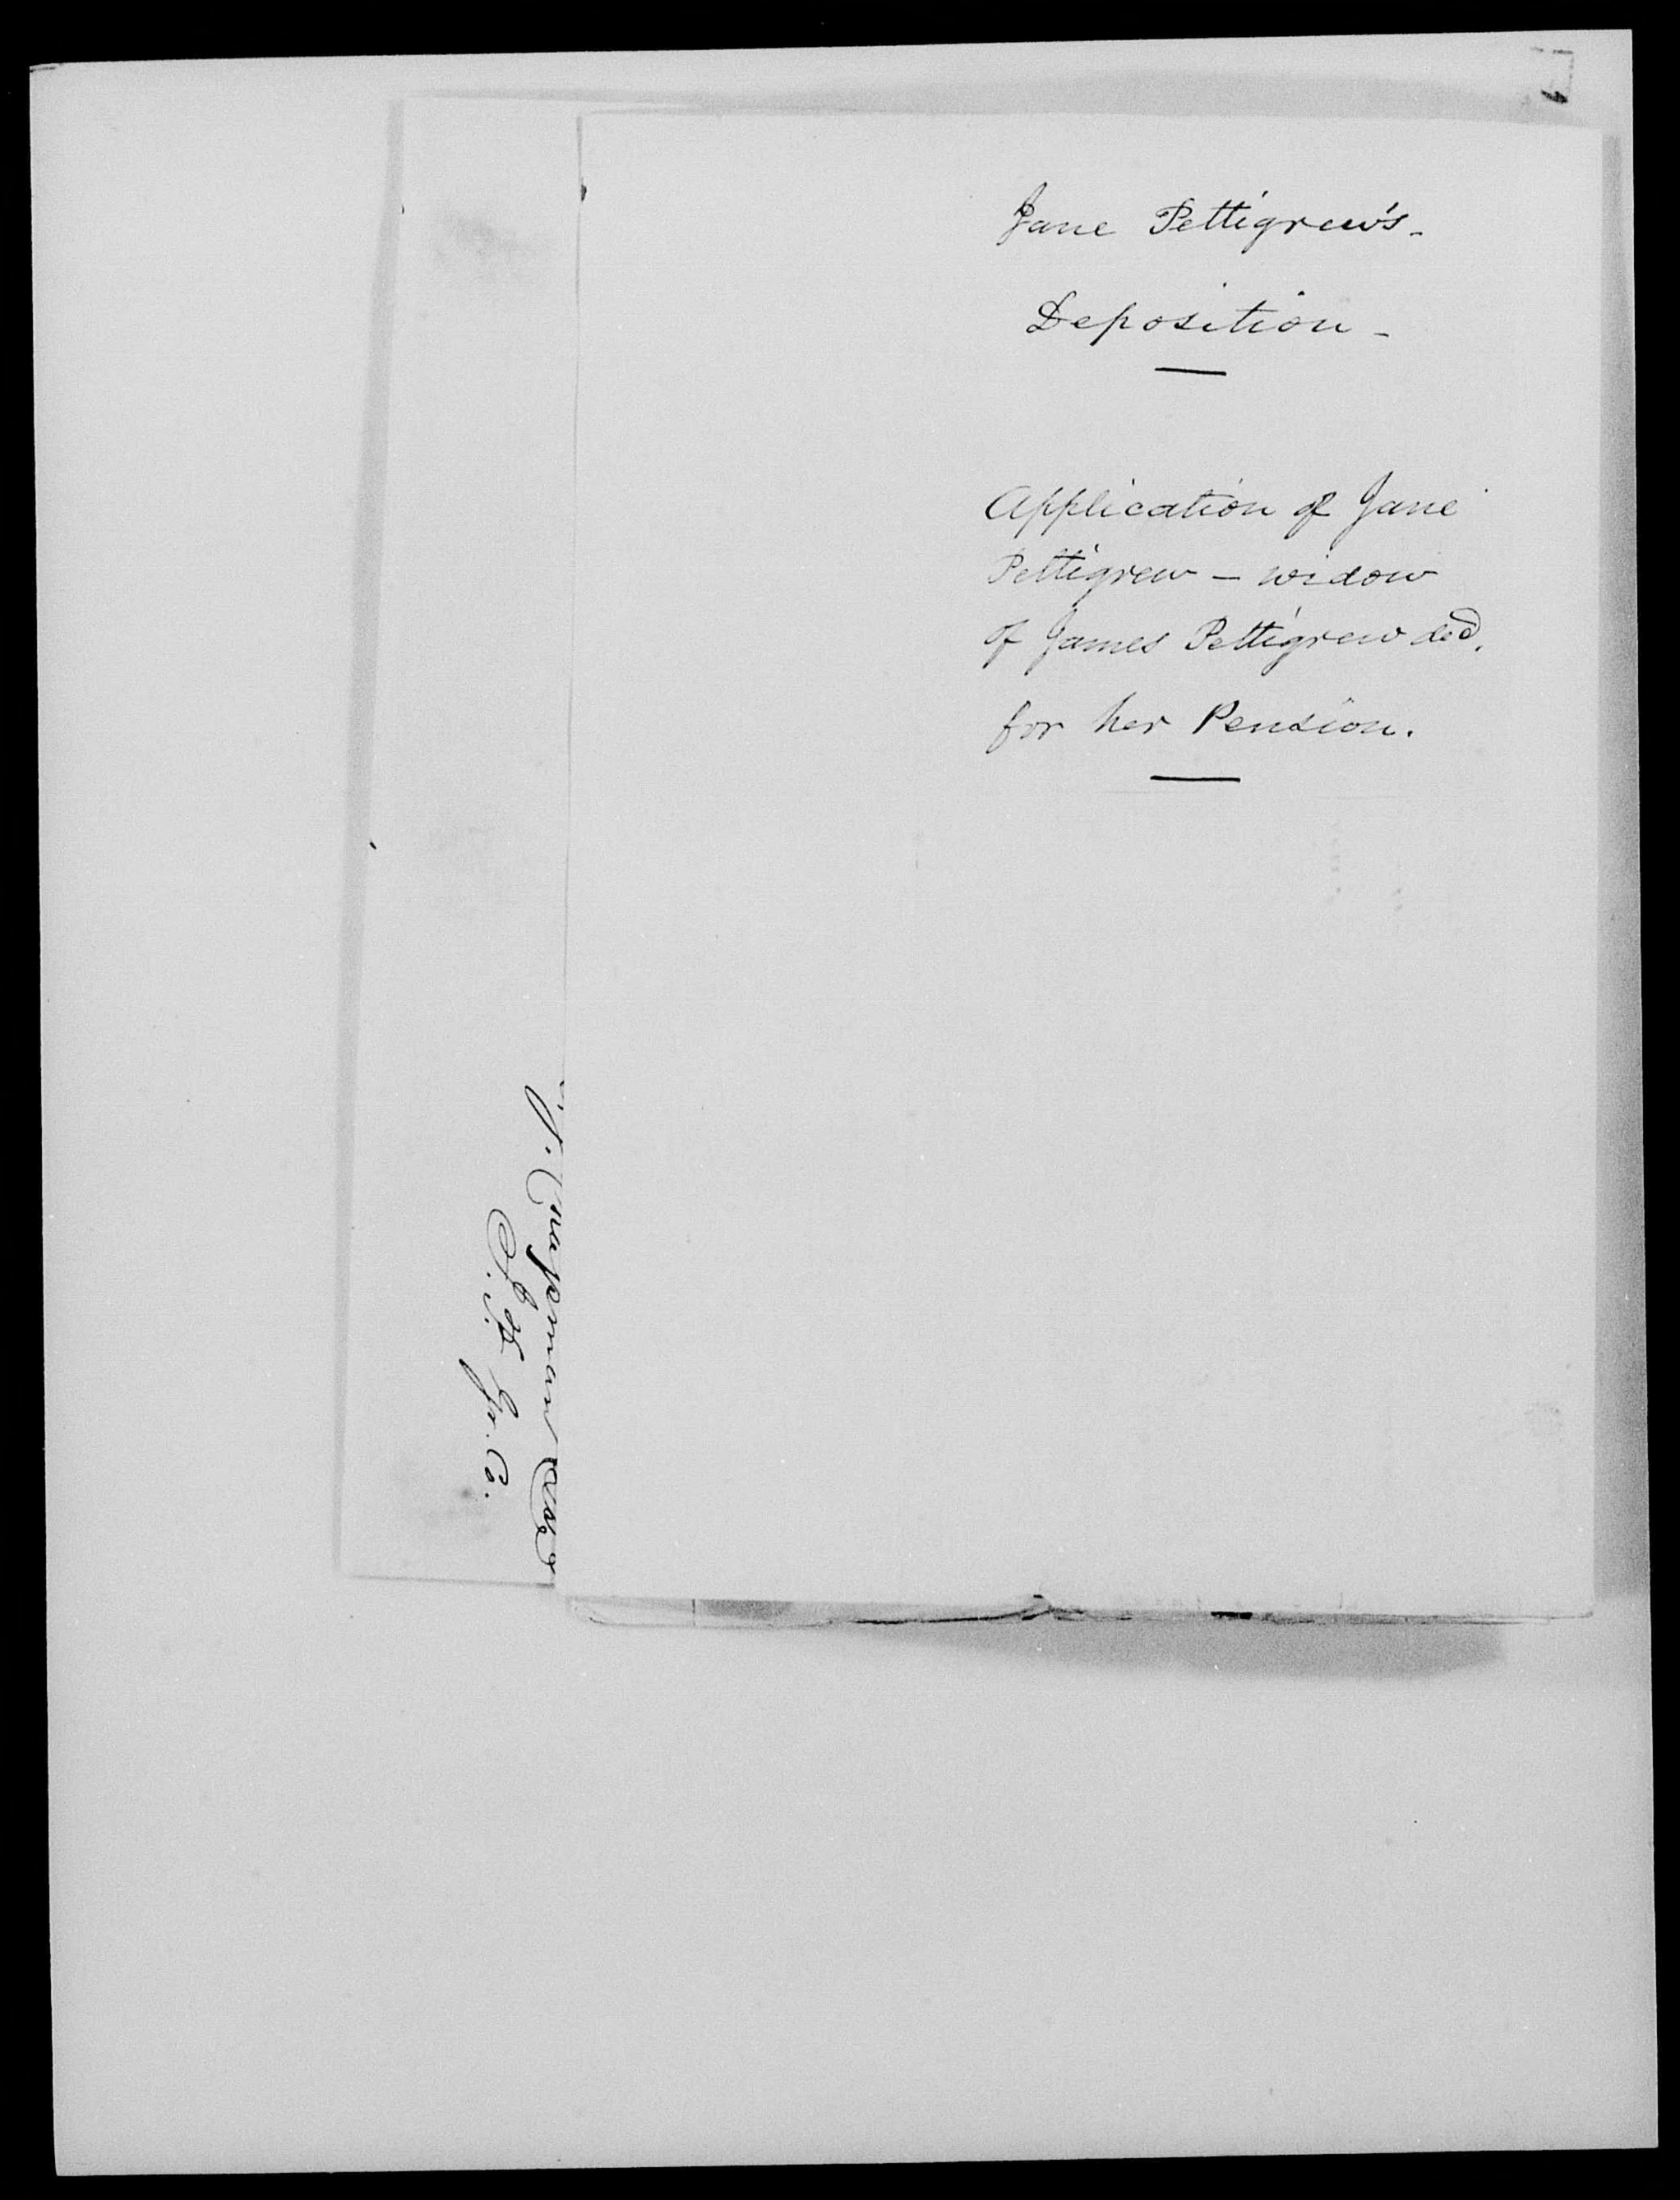Jane Pettigrew's-
Deposition-

Application of Jane
Pettigrew - Widow
of James Pettigrew dead.
for her Pension.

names: Jane Pettigrew; James Pettigrew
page: 63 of 92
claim: widow's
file: W. 5522, for James Pettigrew, South Carolina